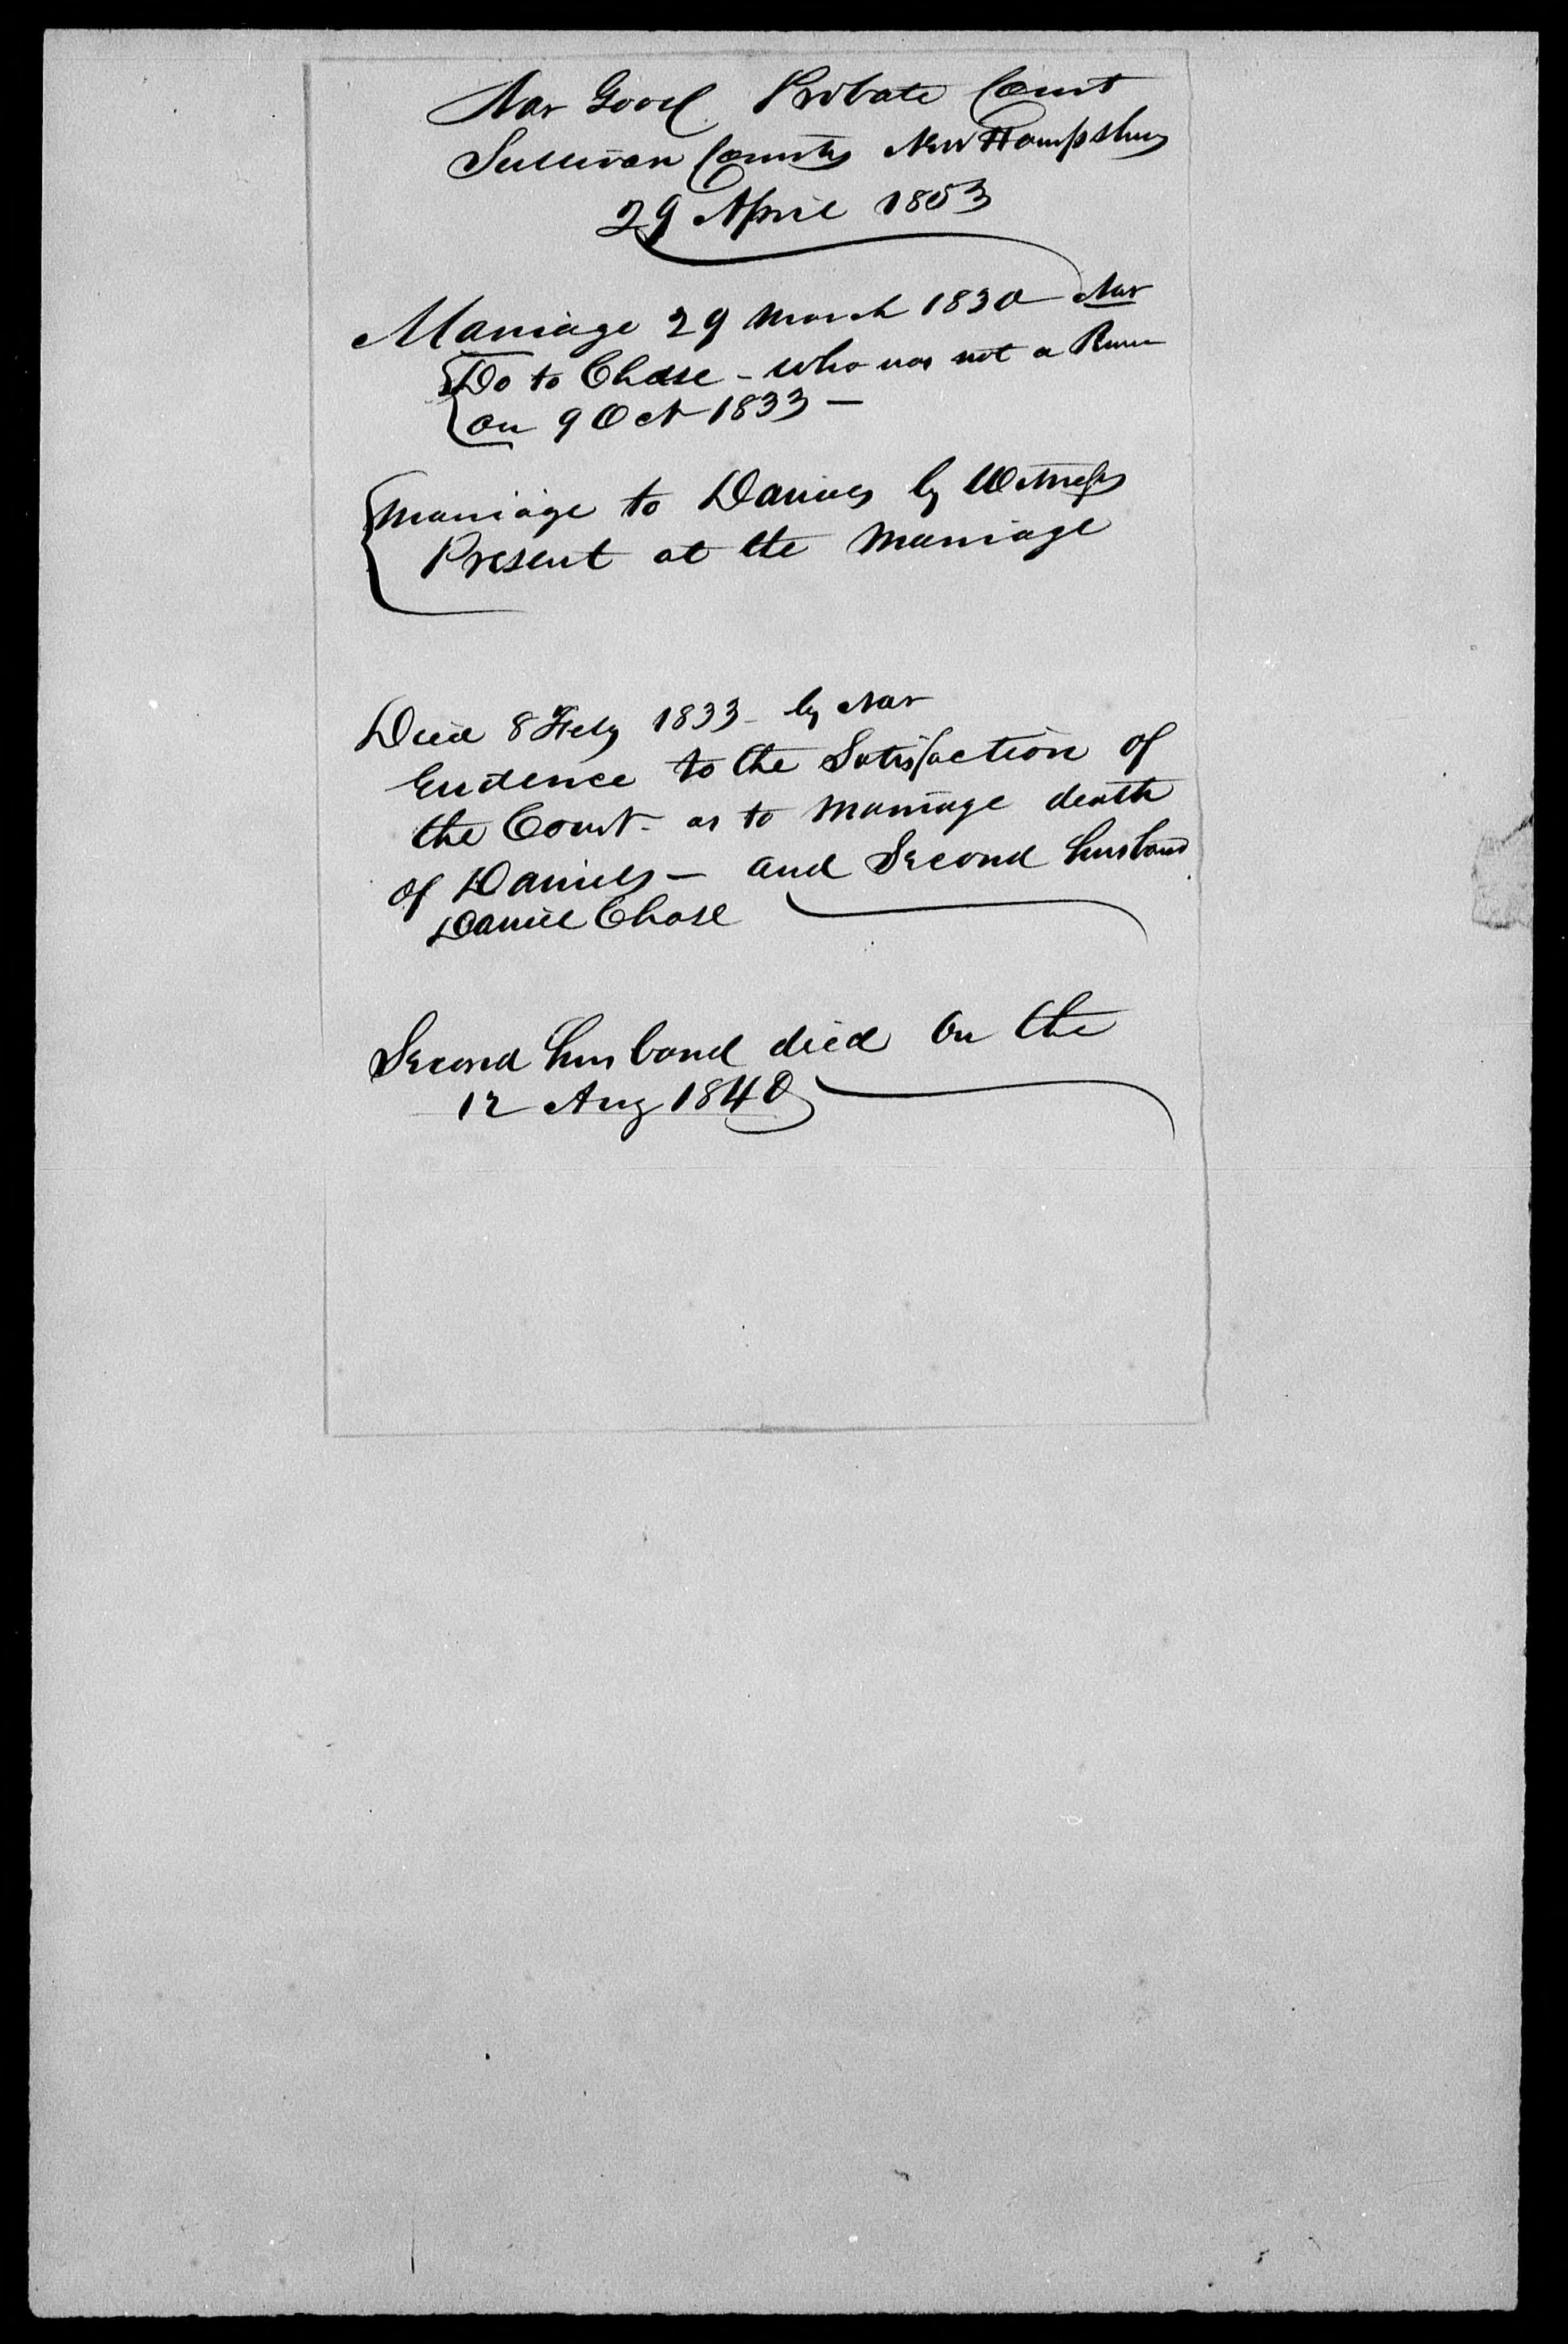Mar Good Probate Court
Sullivan County New Hampshire
29 April 1853

Marriage 29 March 1830 Mar
Do to Chase- who was not a (illegible)
on 9 Oct 1833-

Marriage to Daniels by Witnesses
present at the marriage.

Died 8 Feby 1833 by Nar
Evidence to the satisfaction of
the Court. as to marriage death
of Daniels--and second husband
Daniel Chase--

Second husband
died on the
12 Aug 1840-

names: Daniels, Daniels, Daniel Chase, Chase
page: 19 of 43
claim: widow's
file: W 683, John Daniels, Continental Mass. N.H.